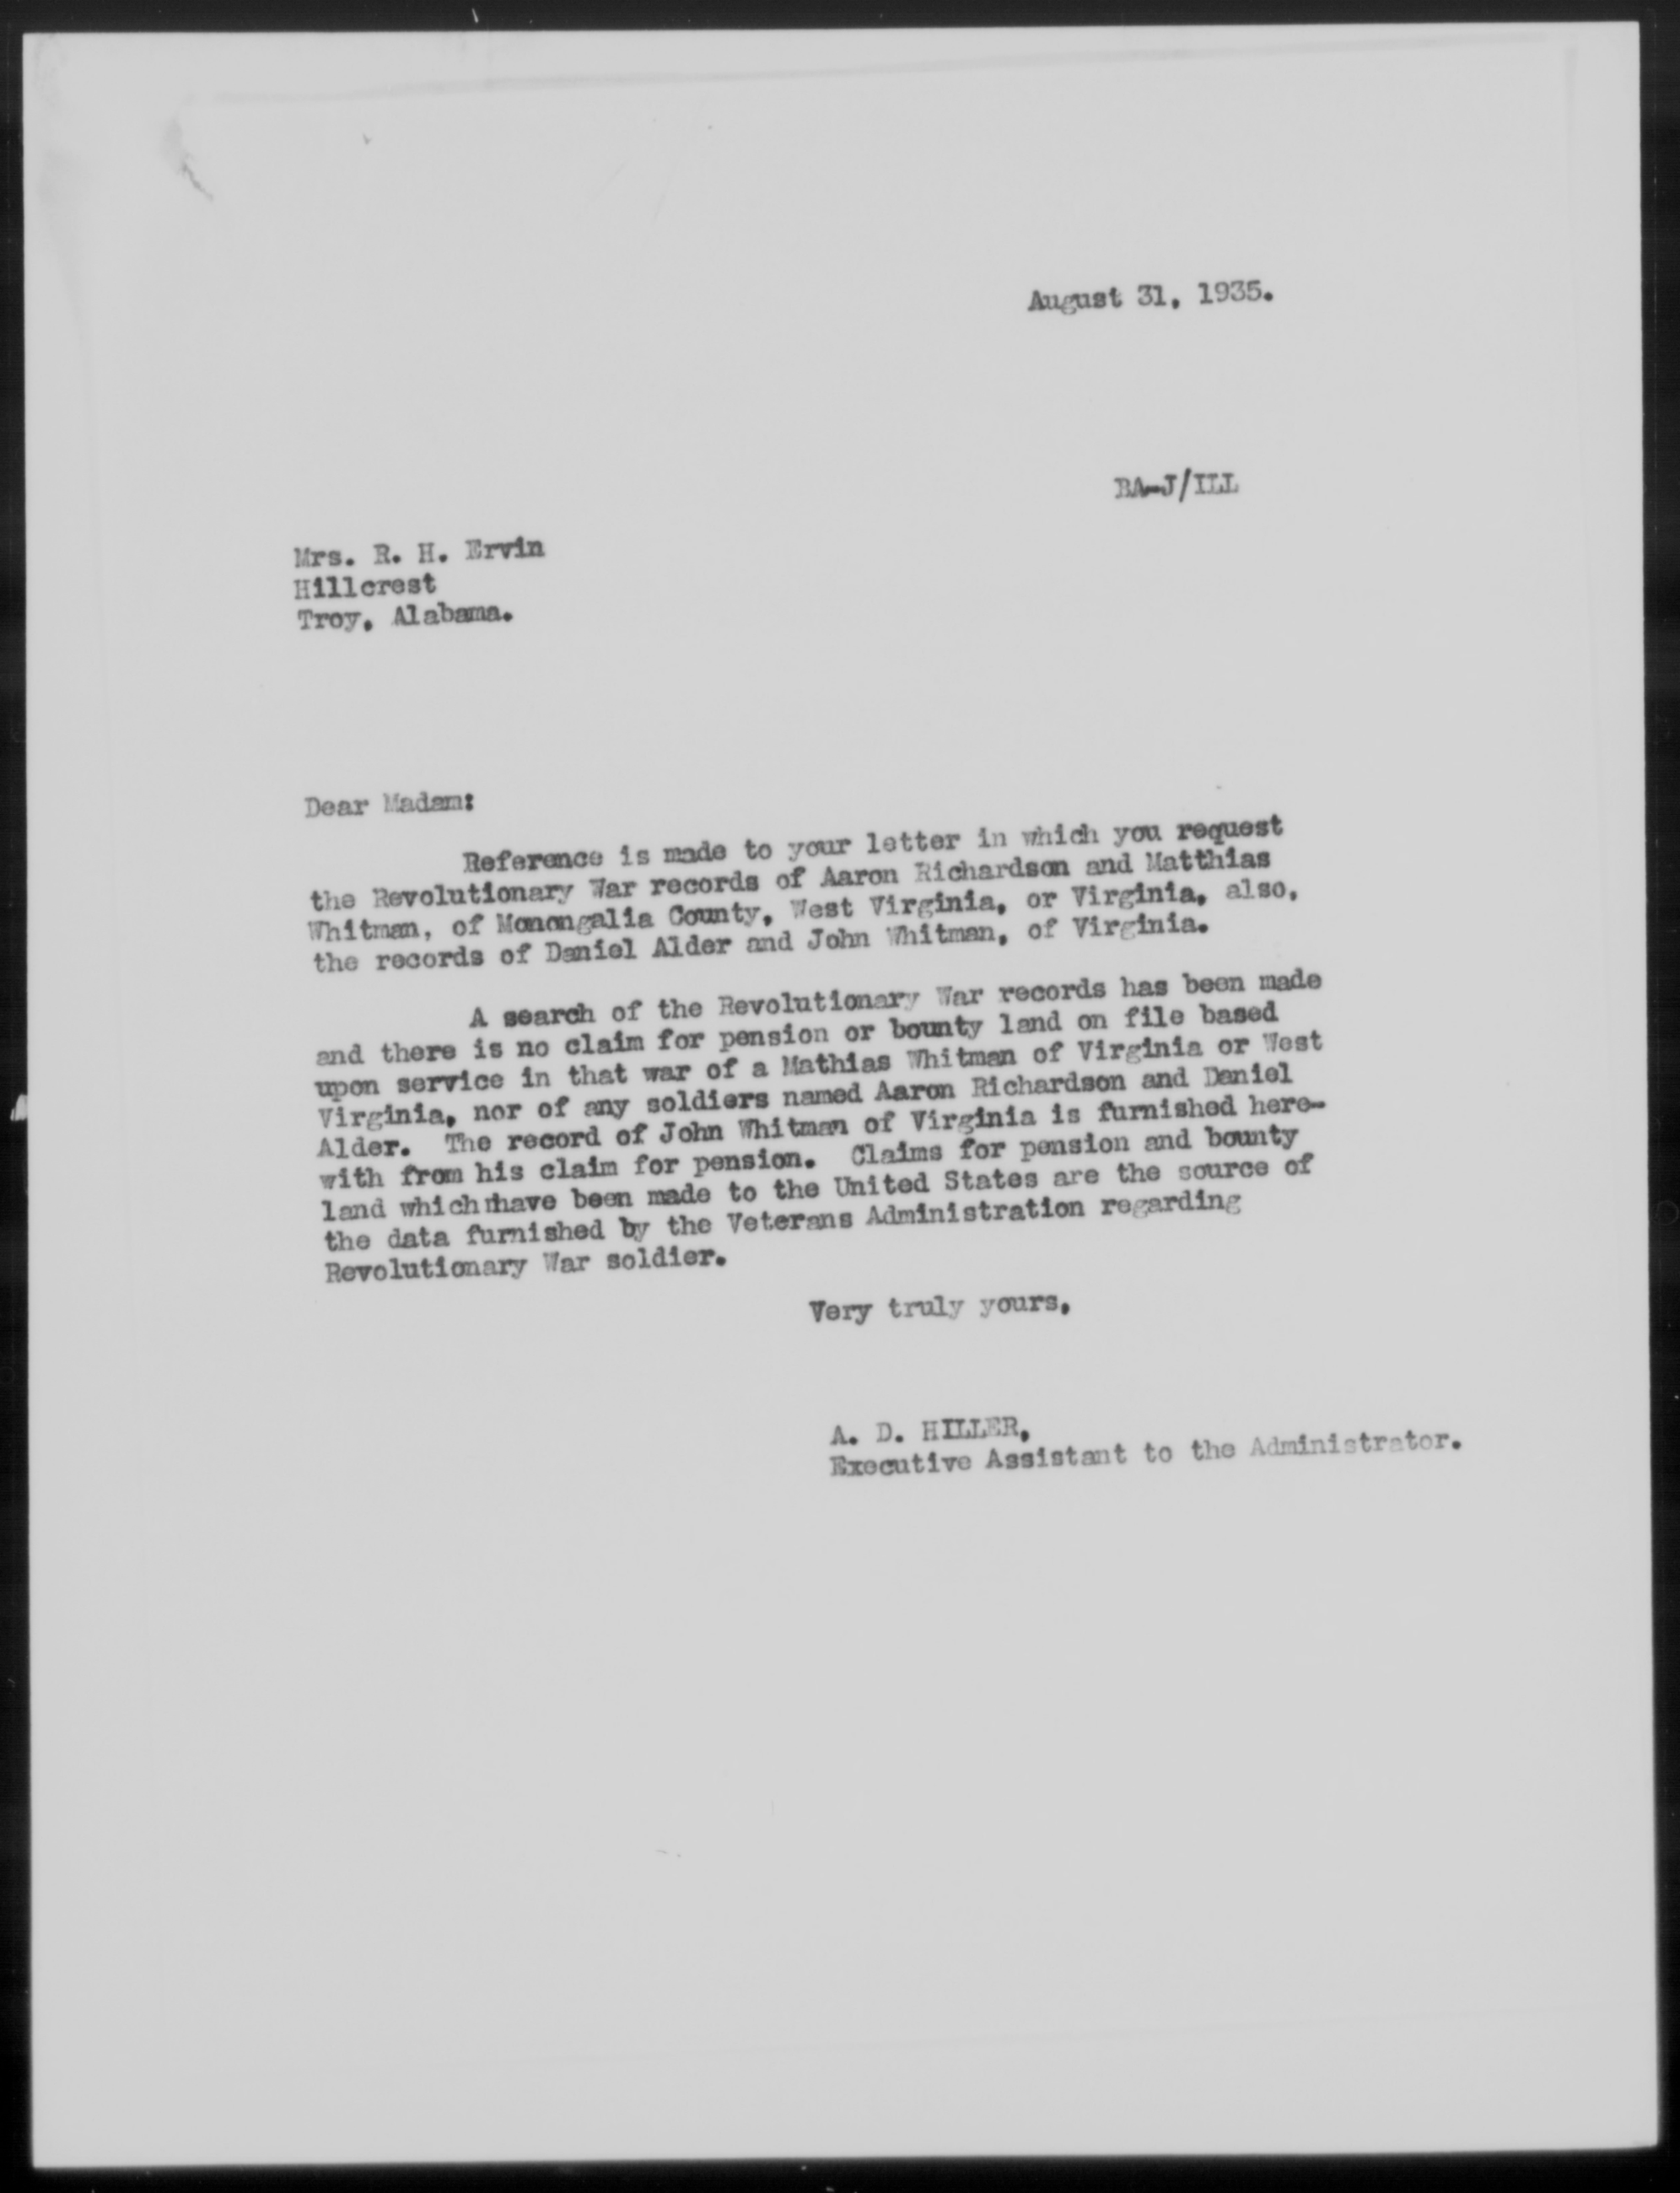August 31, 1935.
BA-J/ILL

Mrs. R. H. Ervin
Hillcrest
Troy, Alabama.

Dear Madam:

Reference is made to your letter in which you request
the Revolutionary War records of Aaron Richardson and Matthias
Whitman, of Monongalia County, West Virginia, or Virginia, also,
the records of Daniel Alder and John Whitman, of Virginia.

A search of the Revolutionary War records has been made
and there is no claim for pension or bounty land on file based
upon service in that war of a Mathias Whitman of Virginia or West
Virginia, nor of any soldiers named Aaron Richardson and Daniel
Alder. The record of John Whitman of Virginia is furnished herewith
from his claim for pension claims for pension and bounty
land which have been made to the United States are the source of
the data furnished by the Veterans Administration regarding
Revolutionary War soldier.

Very truly yours,

A. D. HILLER,
Executive Assistant to the Administrator.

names: R H Ervin, John Whitman, Daniel Alder, Aaron Richardson, A D Hiller, Mathias Whitman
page: 11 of 22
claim: survivor's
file: S 2023, John Whitman, Va.